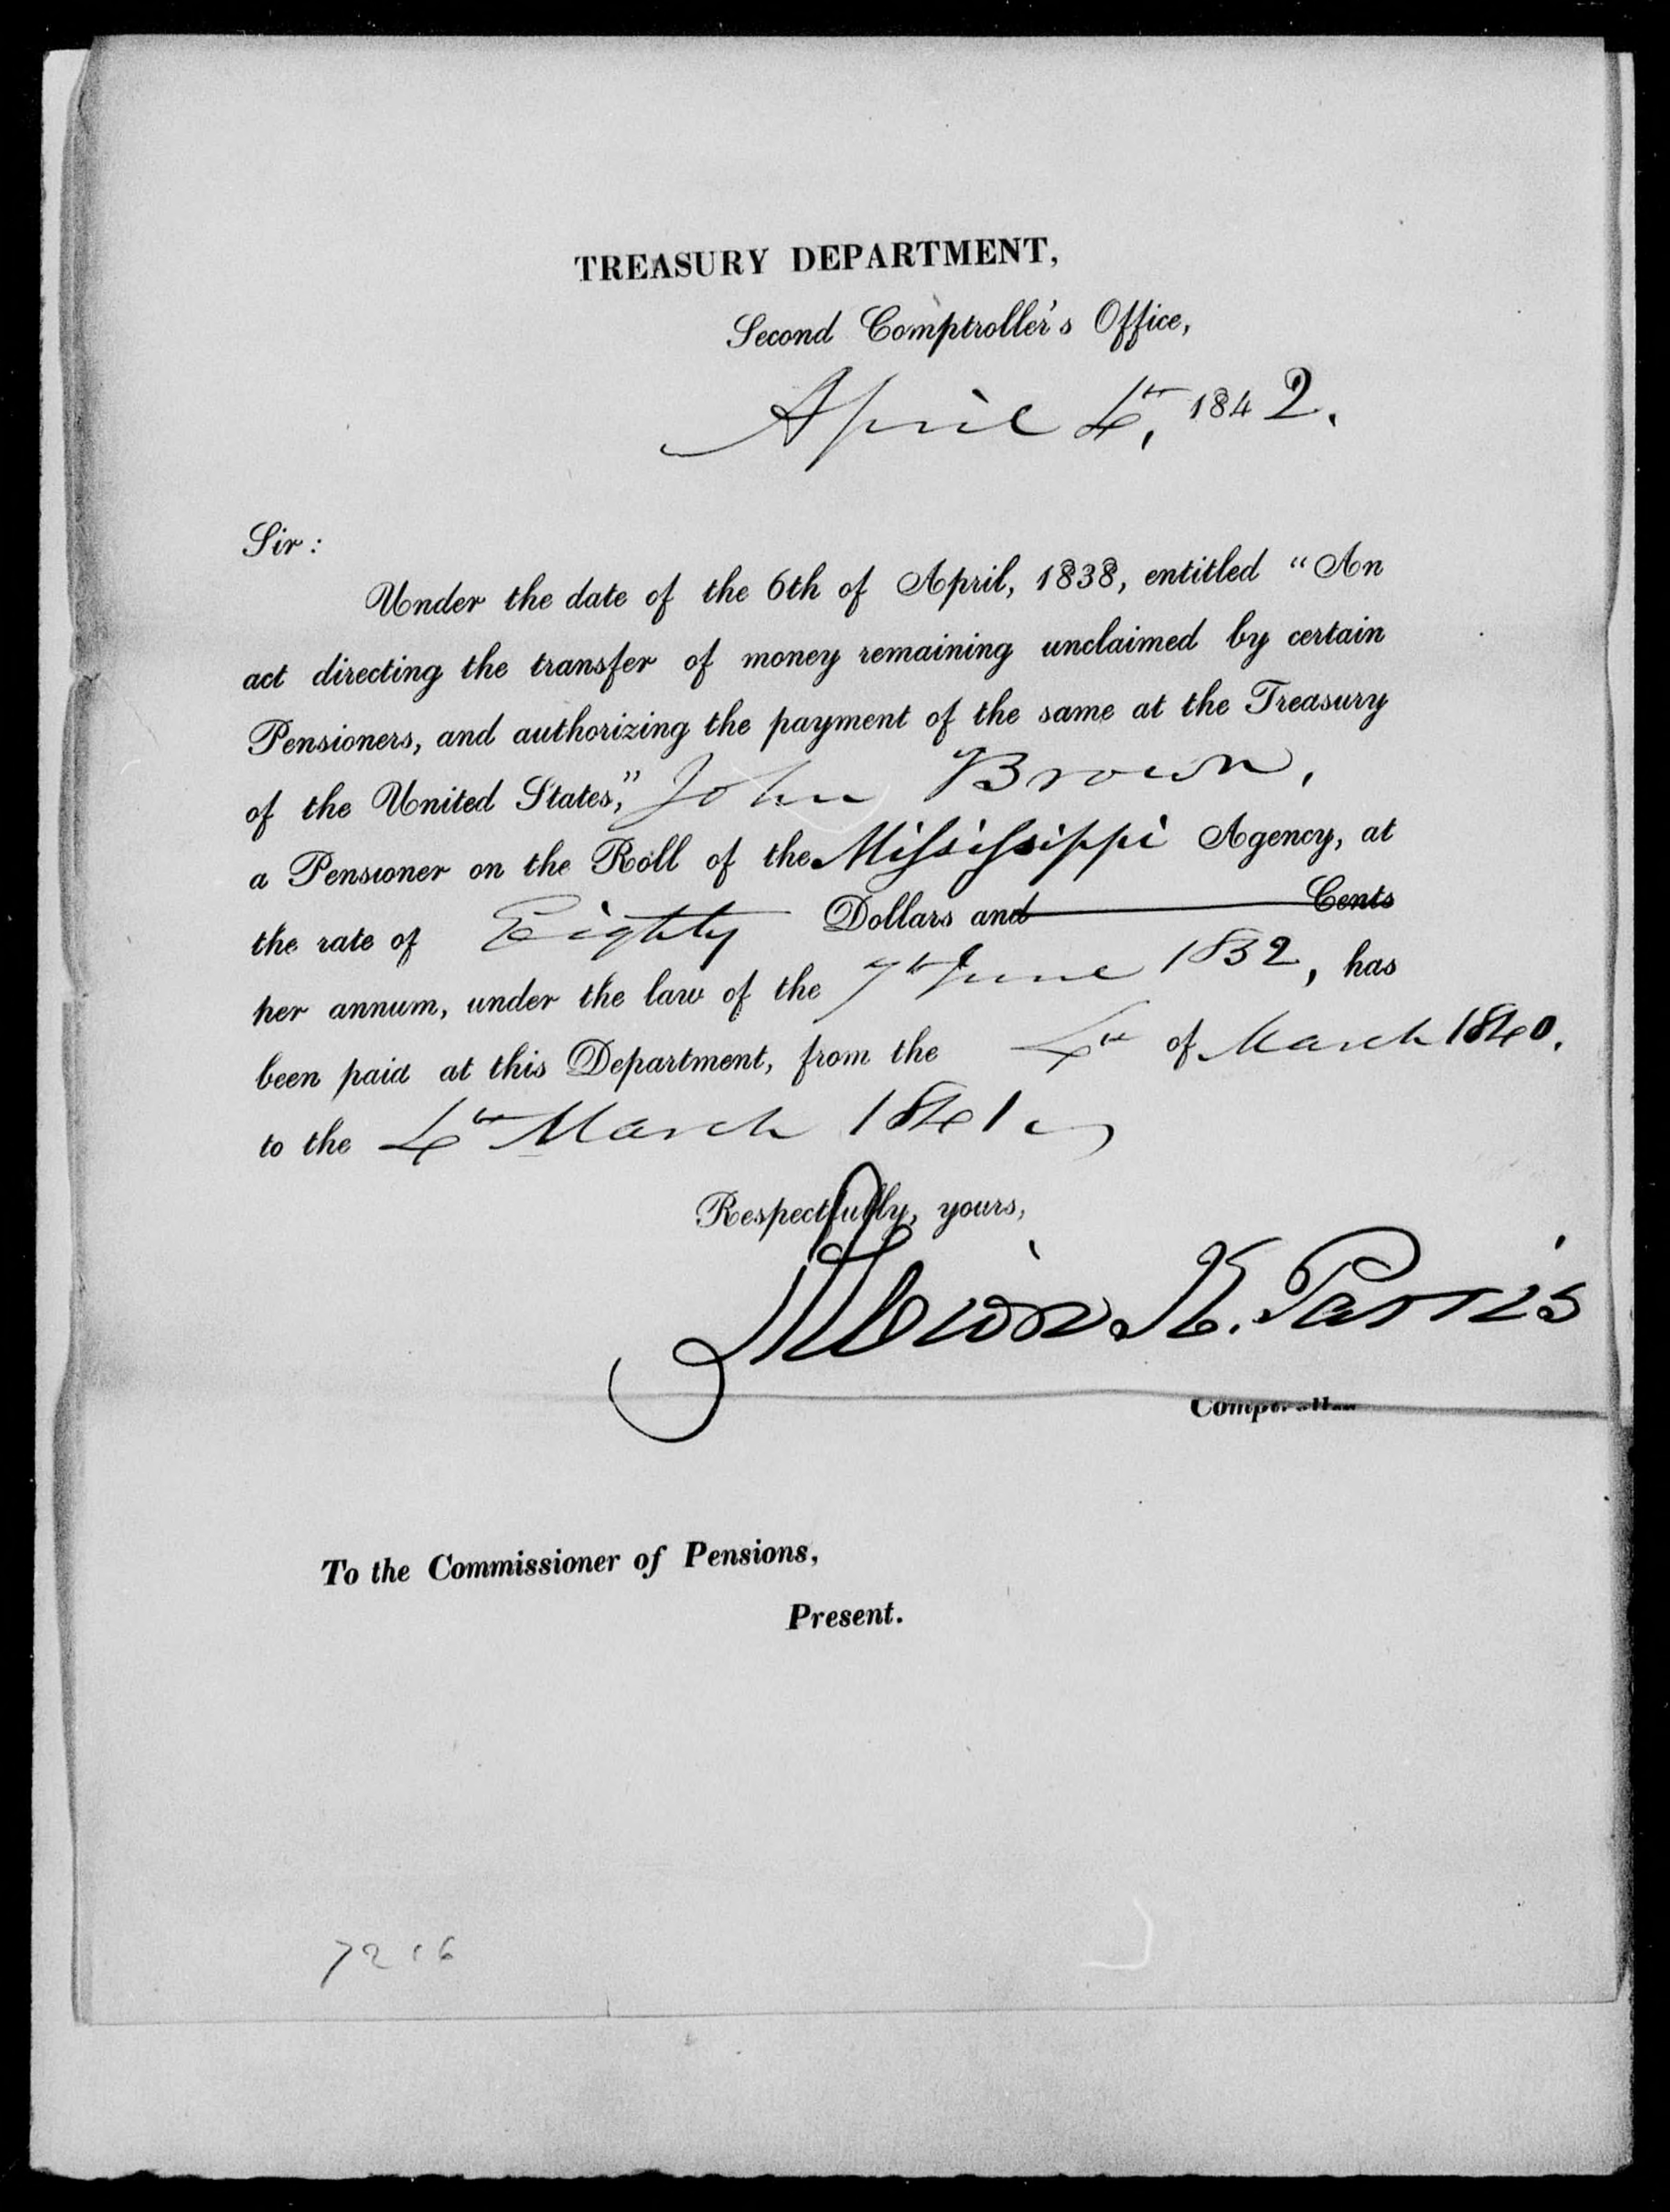TREASURY DEPARTMENT 
Second Comptroller's Office,
April 4th, 1842.

Sir: 

Under the act of the 6th of April, 1838, entitled "An act directing the transfer of money remaining unclaimed by certain
Pensioners, and authorizing the payment of the same at the Treasury
of the United States,"  John Brown 
a pensioner on the Roll of Mississippi Agency, at
the rate of Eighty Dollars 
per annum, under the law of the 7th of June  1832 has
been paid at this Department, from the 4th of March 1860.
to the 4th March 1861


Respectfully yours,
Albion K. Parris (signature)
Comptroller. 
To the Commissioner of Pensions,
Present.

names: Albion K Parris, John Brown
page: 68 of 85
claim: widow's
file: W. 5,906, John Brown, S.C.